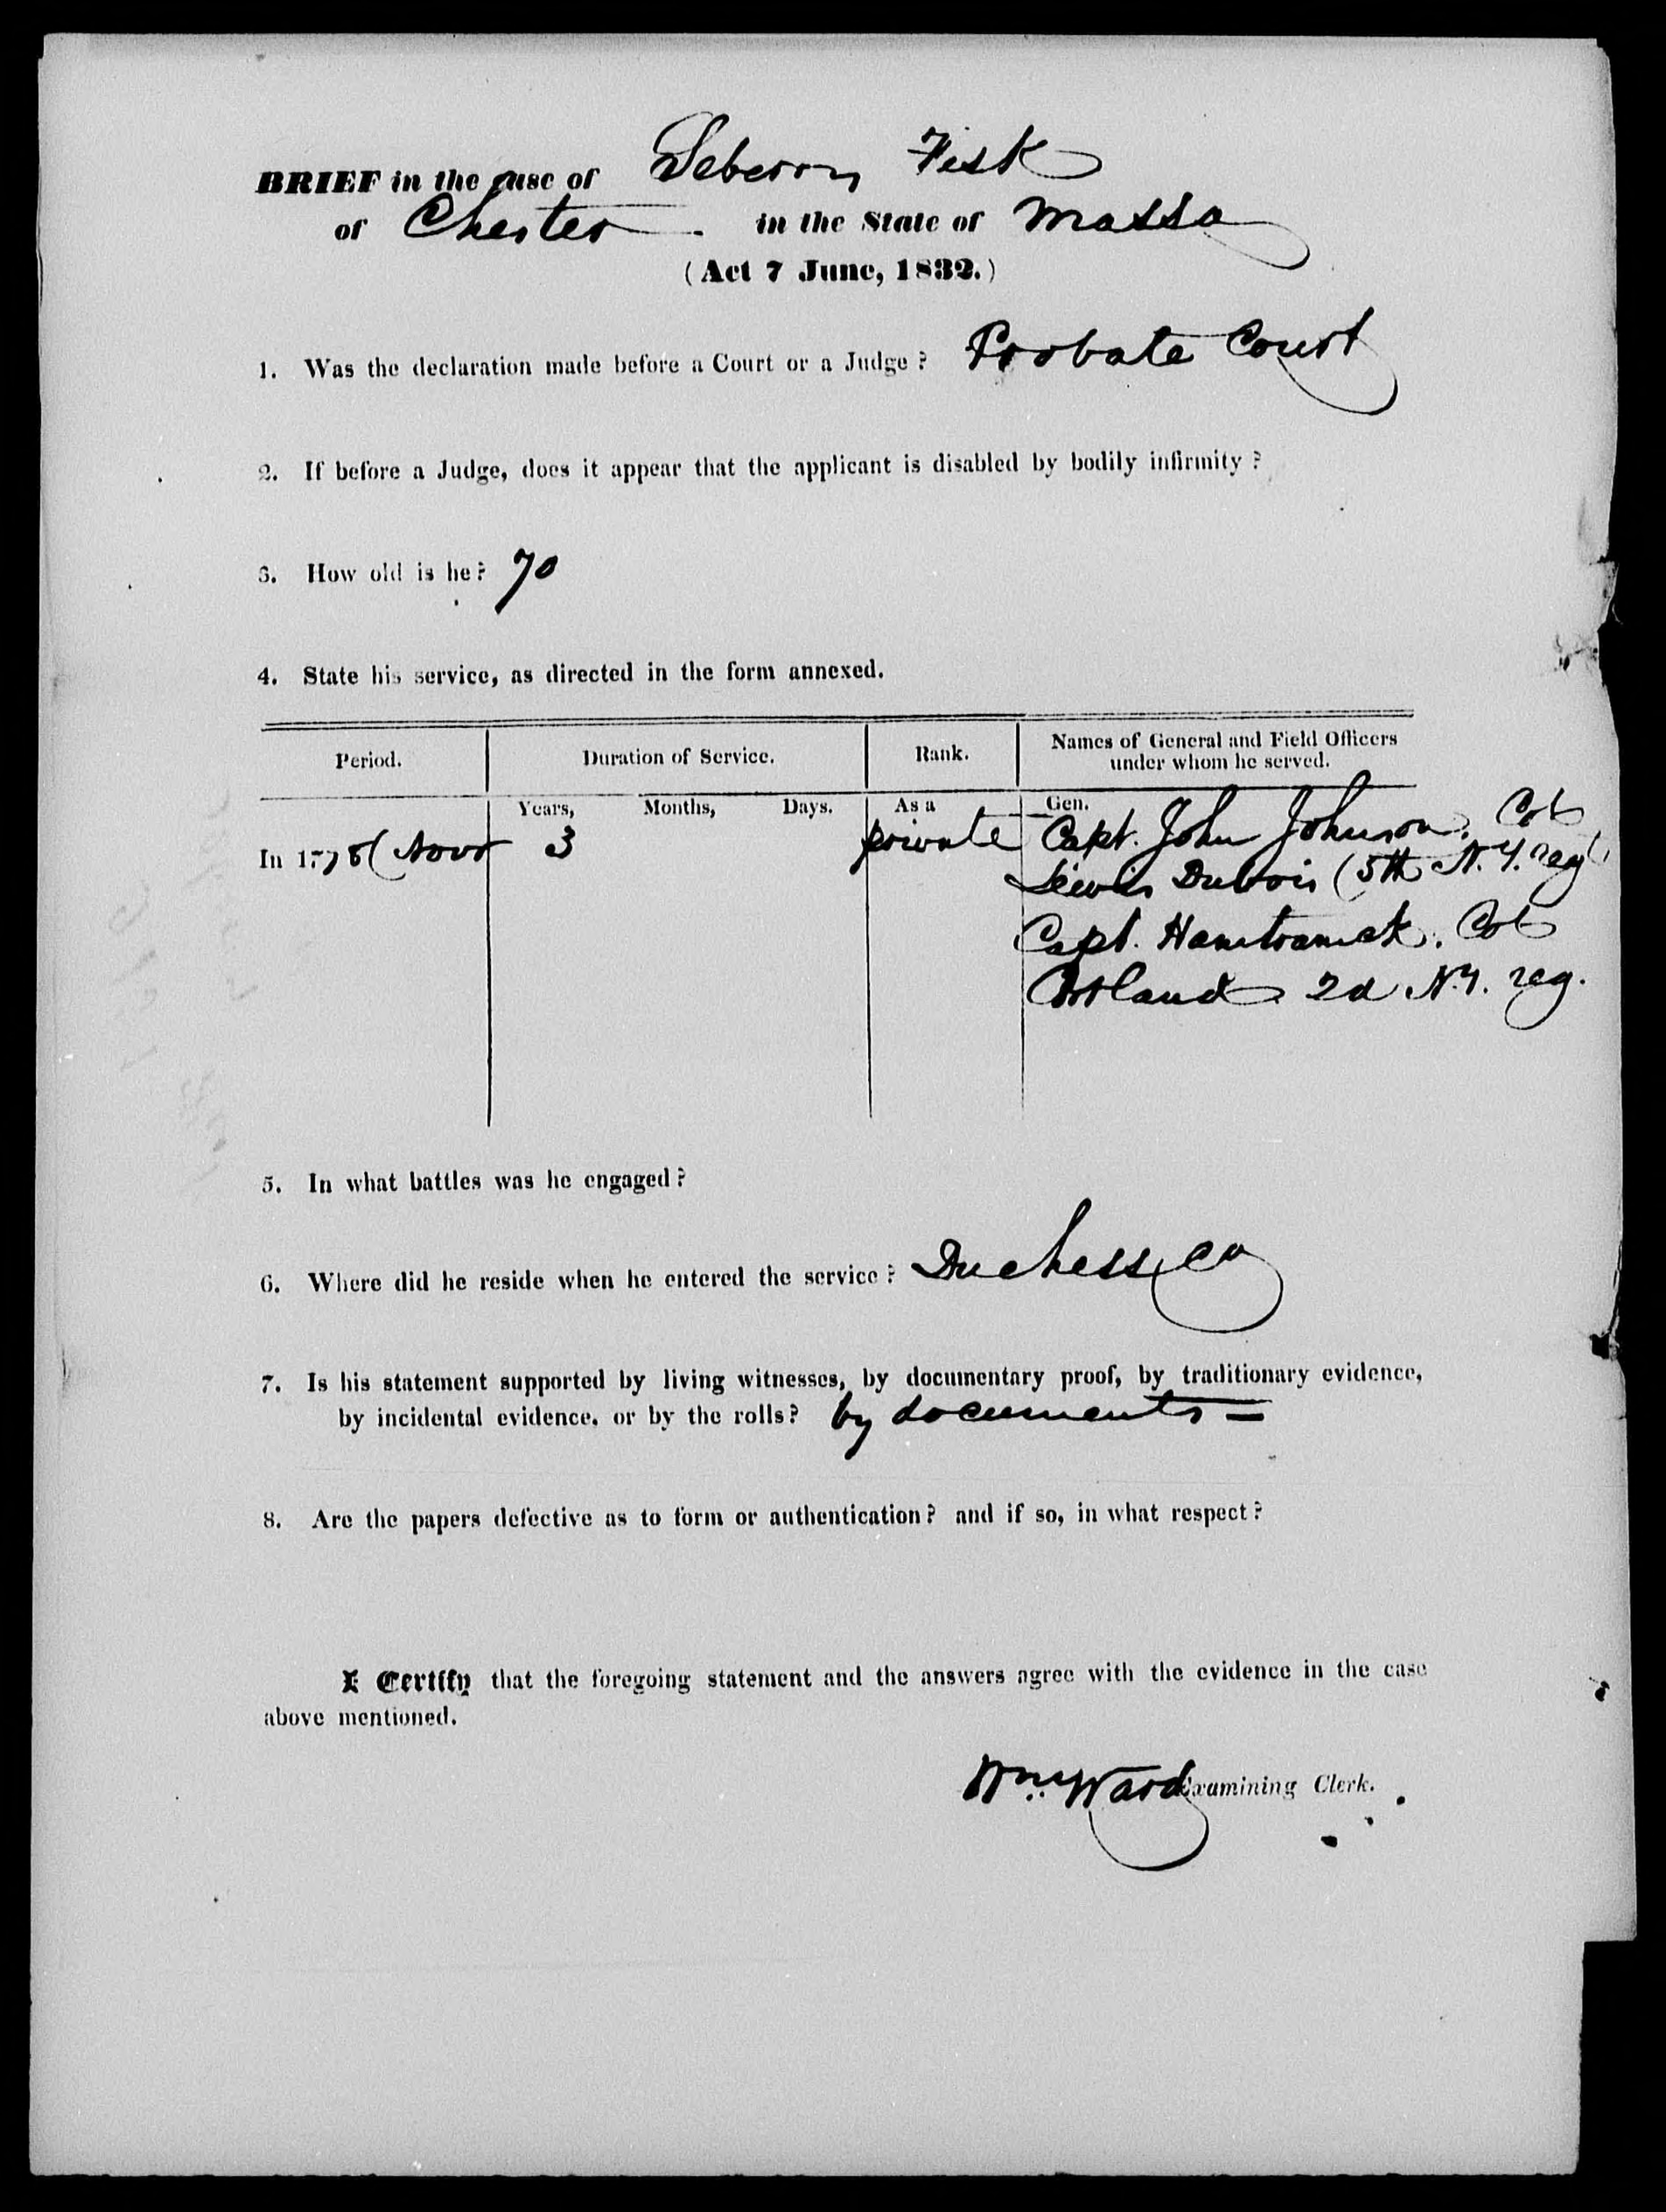[Printed form with handwritten entries]

BRIEF in the case of Seberry Fisk of Chester in the State of Massa [Massachusetts] (Act 7 June, 1832.) 

1. Was the declaration made before a Court or a Judge?  Probate Court

2.  If before a Judge, does it appear that the applicant is disabled by bodily infirmity? [blank]

3.  How old is he? 70

4. State his service, as directed in the form annexed.
[Double line]

[Chart with the following category headings:]
Period.  l   Duration of Service.  l   Rank.  l   Names of General and Field Officers under whom he served.
___________________________________________________________________________________________________________

In 1778 (Novr

3 [Years]

private

Capt. John Johnson, Col Lewis Dubois (5th N.Y. regt)  Capt. Hamtranick [or Hanetramick or Honetranick]; Col Ortland [or Briland or Artland]. 2d N.Y. reg. 

5. In what battles was he engaged?  [blank]

6..  Where did he reside when he entered the service?  Duchess Co [Dutchess Co, NY]

7.  Is his statement supported by living witnesses, by documentary proof, by traditionary evidence, by incidental evidence, or by the rolls?  by documents __

8.  Are the papers defective as to form or authentication?  and if so, in what respect?  [blank]

I CERTIFY that the foregoing statement and the answers agree with the evidence in the case above mentioned.   

Wm Ward Examining Clerk.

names: John Johnson, Lewis Dubois, Wm Ward, Haustranick, Seberry Fisk, Portland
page: 7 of 26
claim: survivor's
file: S. 29797, Seberry Fish, New York